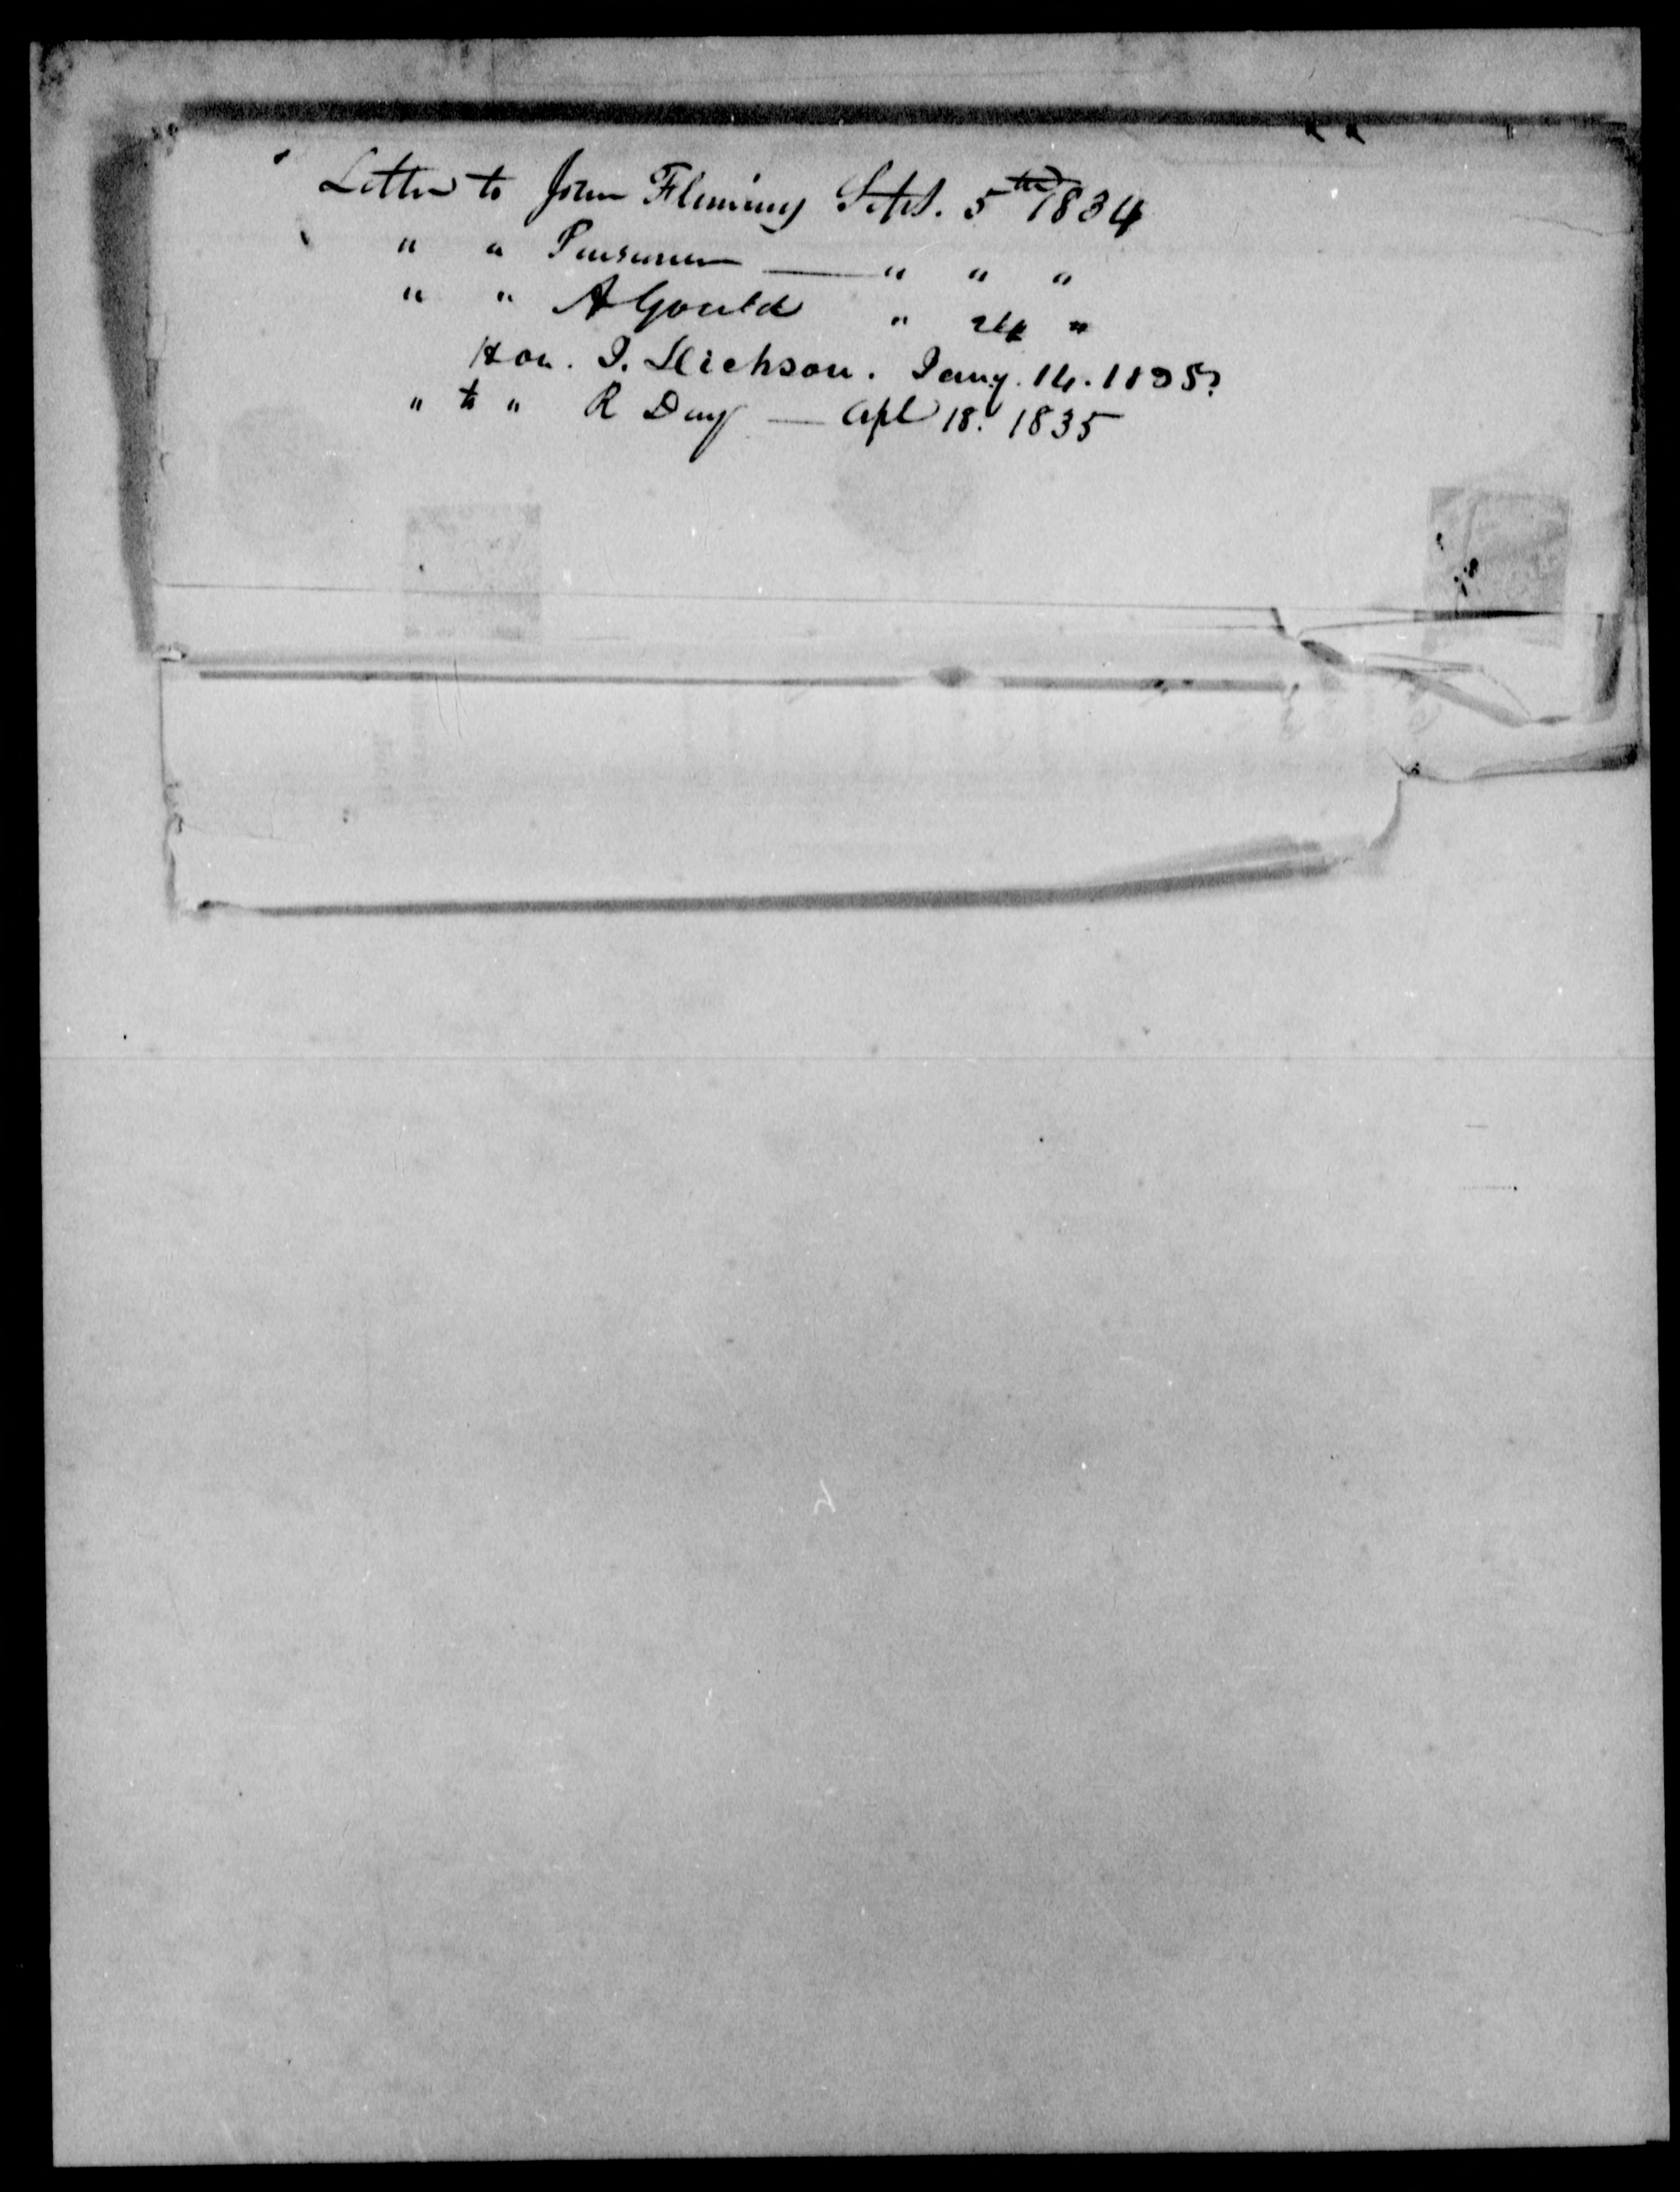Letter to John Fleming Sept. 5th 1834
 "     "       Pensioner   "    "   "
  "    "  A. Gould        "   24th  "
"   " Hon. J. Dickson Jany. 14, 1835
"  to  "  R. Day  Apl. 18, 1835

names: J Dickson, John Fleming, A Gould, R Day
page: 42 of 98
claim: widow's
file: W. 1682, Valentine Wheeler, Mass.